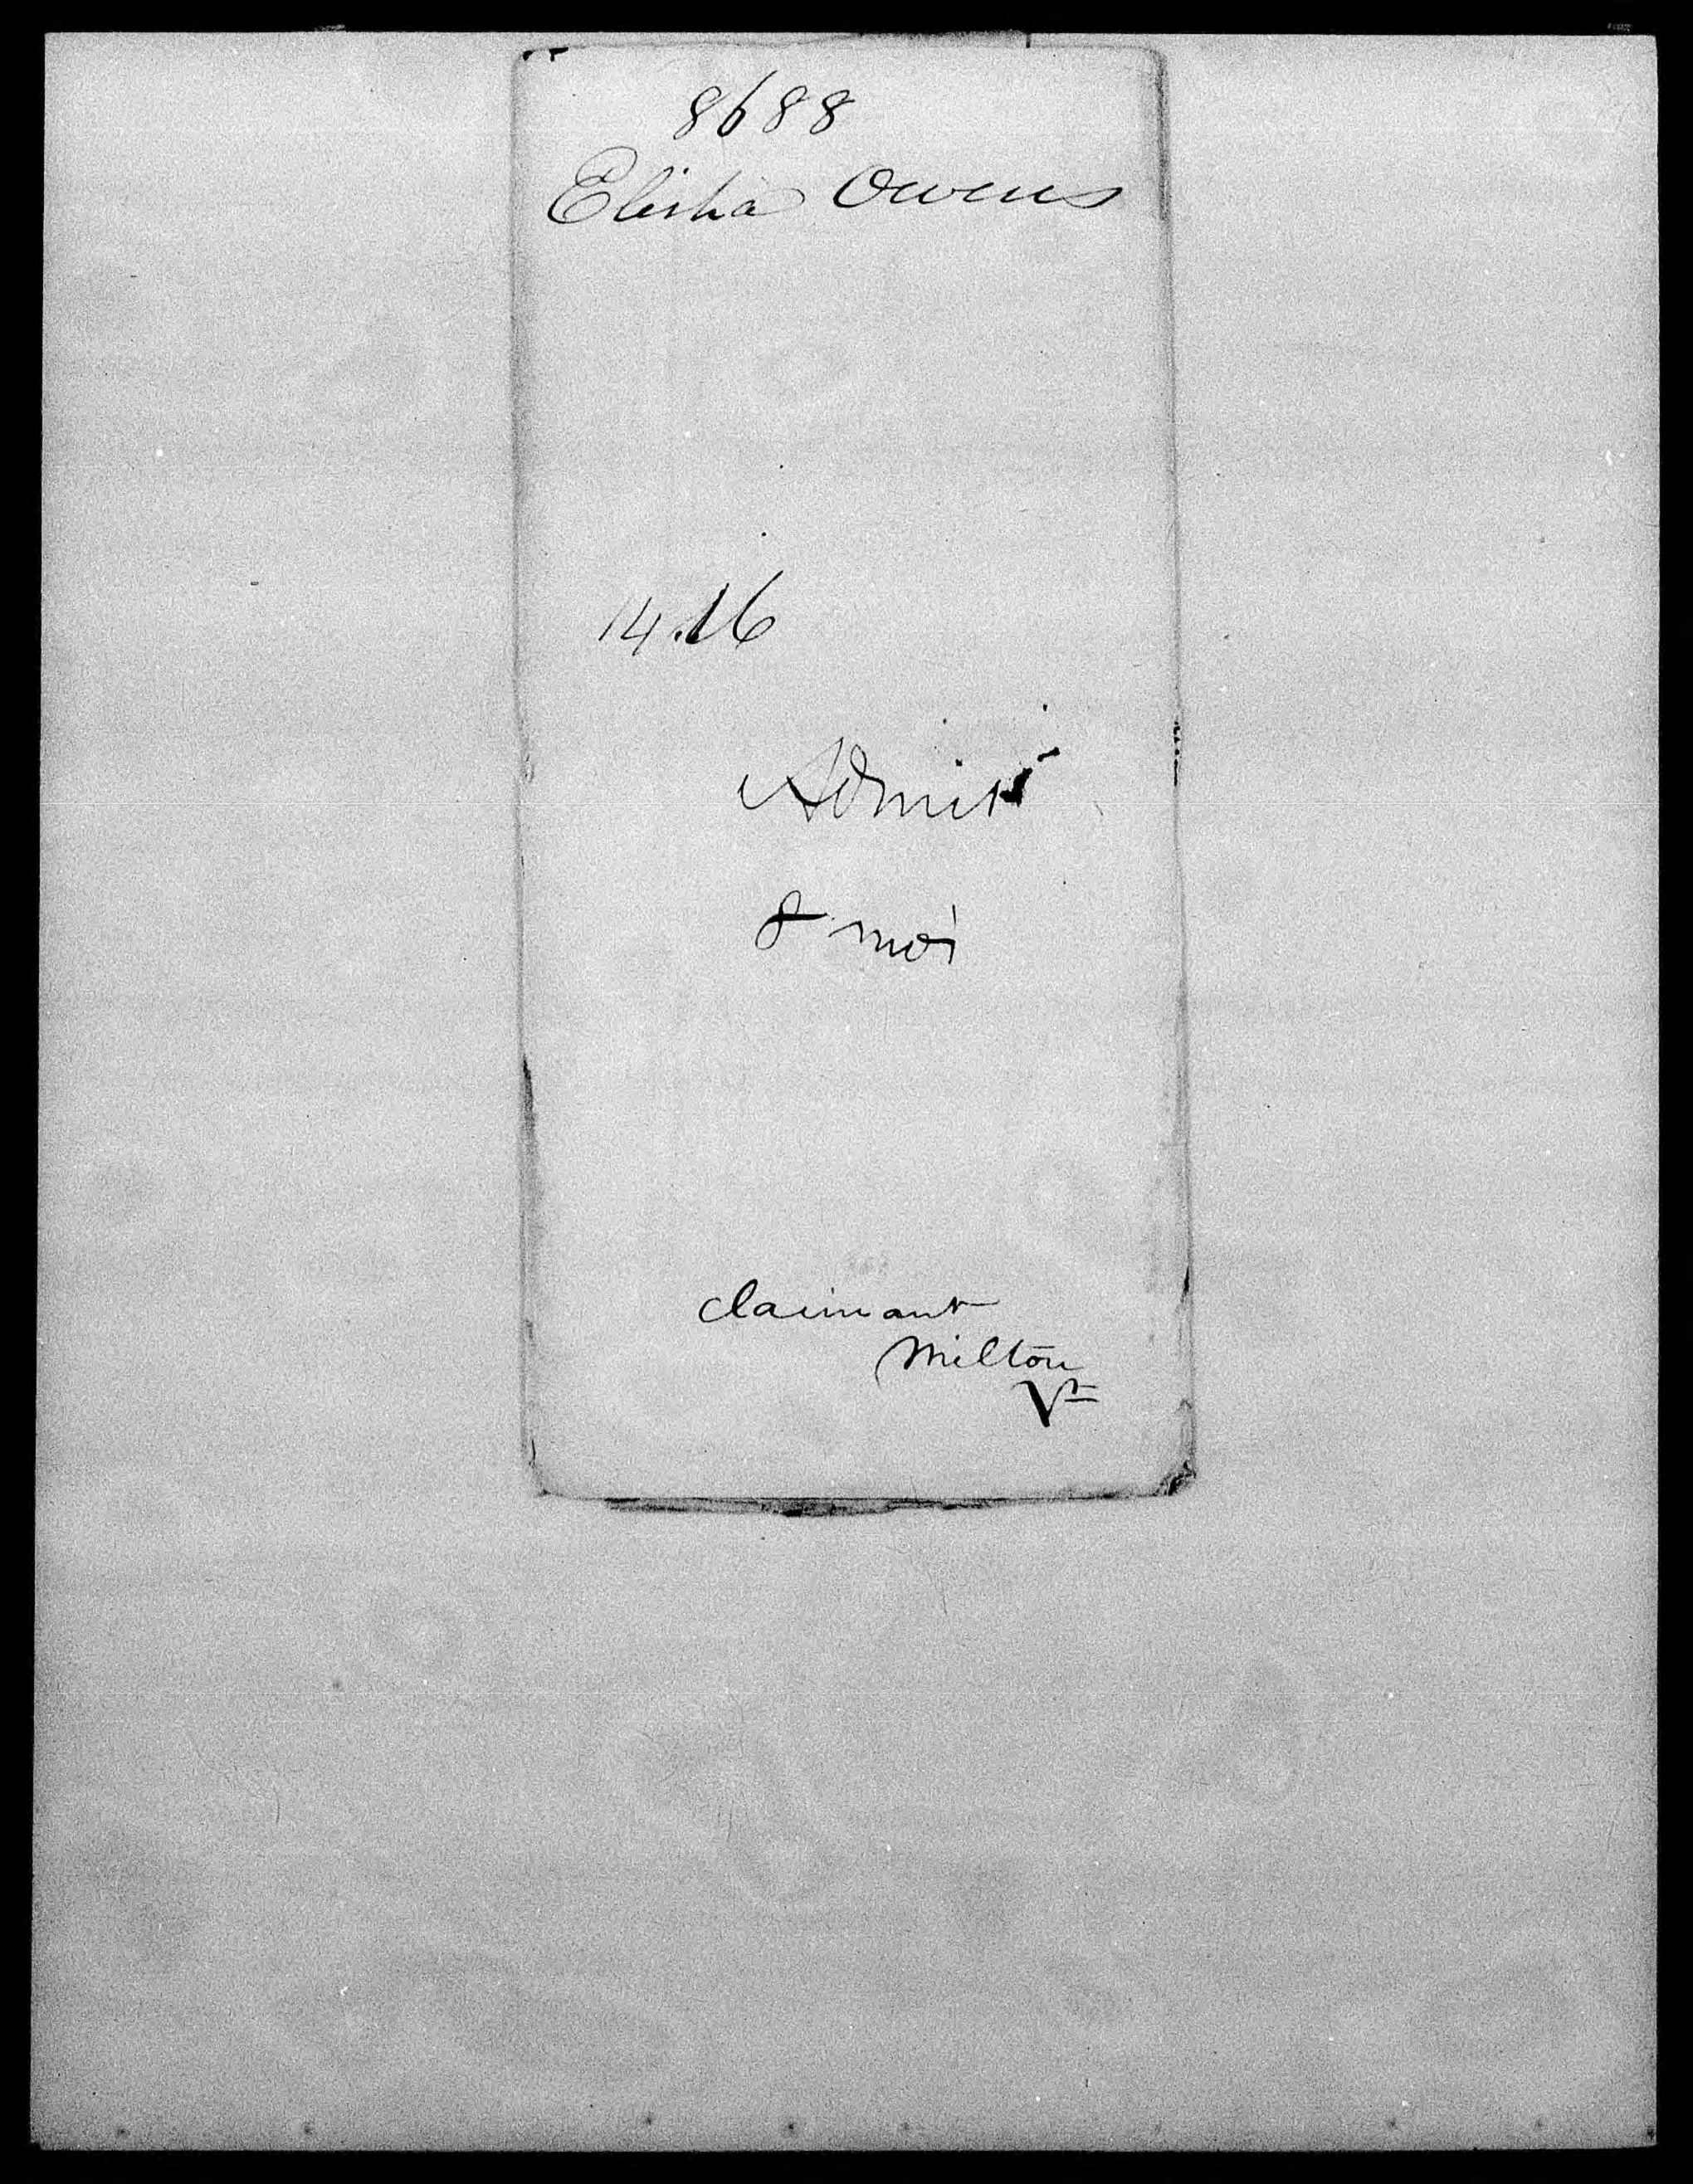8688
Elisha Owens

14.16
Admit
8 mos

Claimant  Milton, Vt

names: Elisha Owens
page: 3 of 23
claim: survivor's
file: S 14072, for Elisha Owen, Vermont